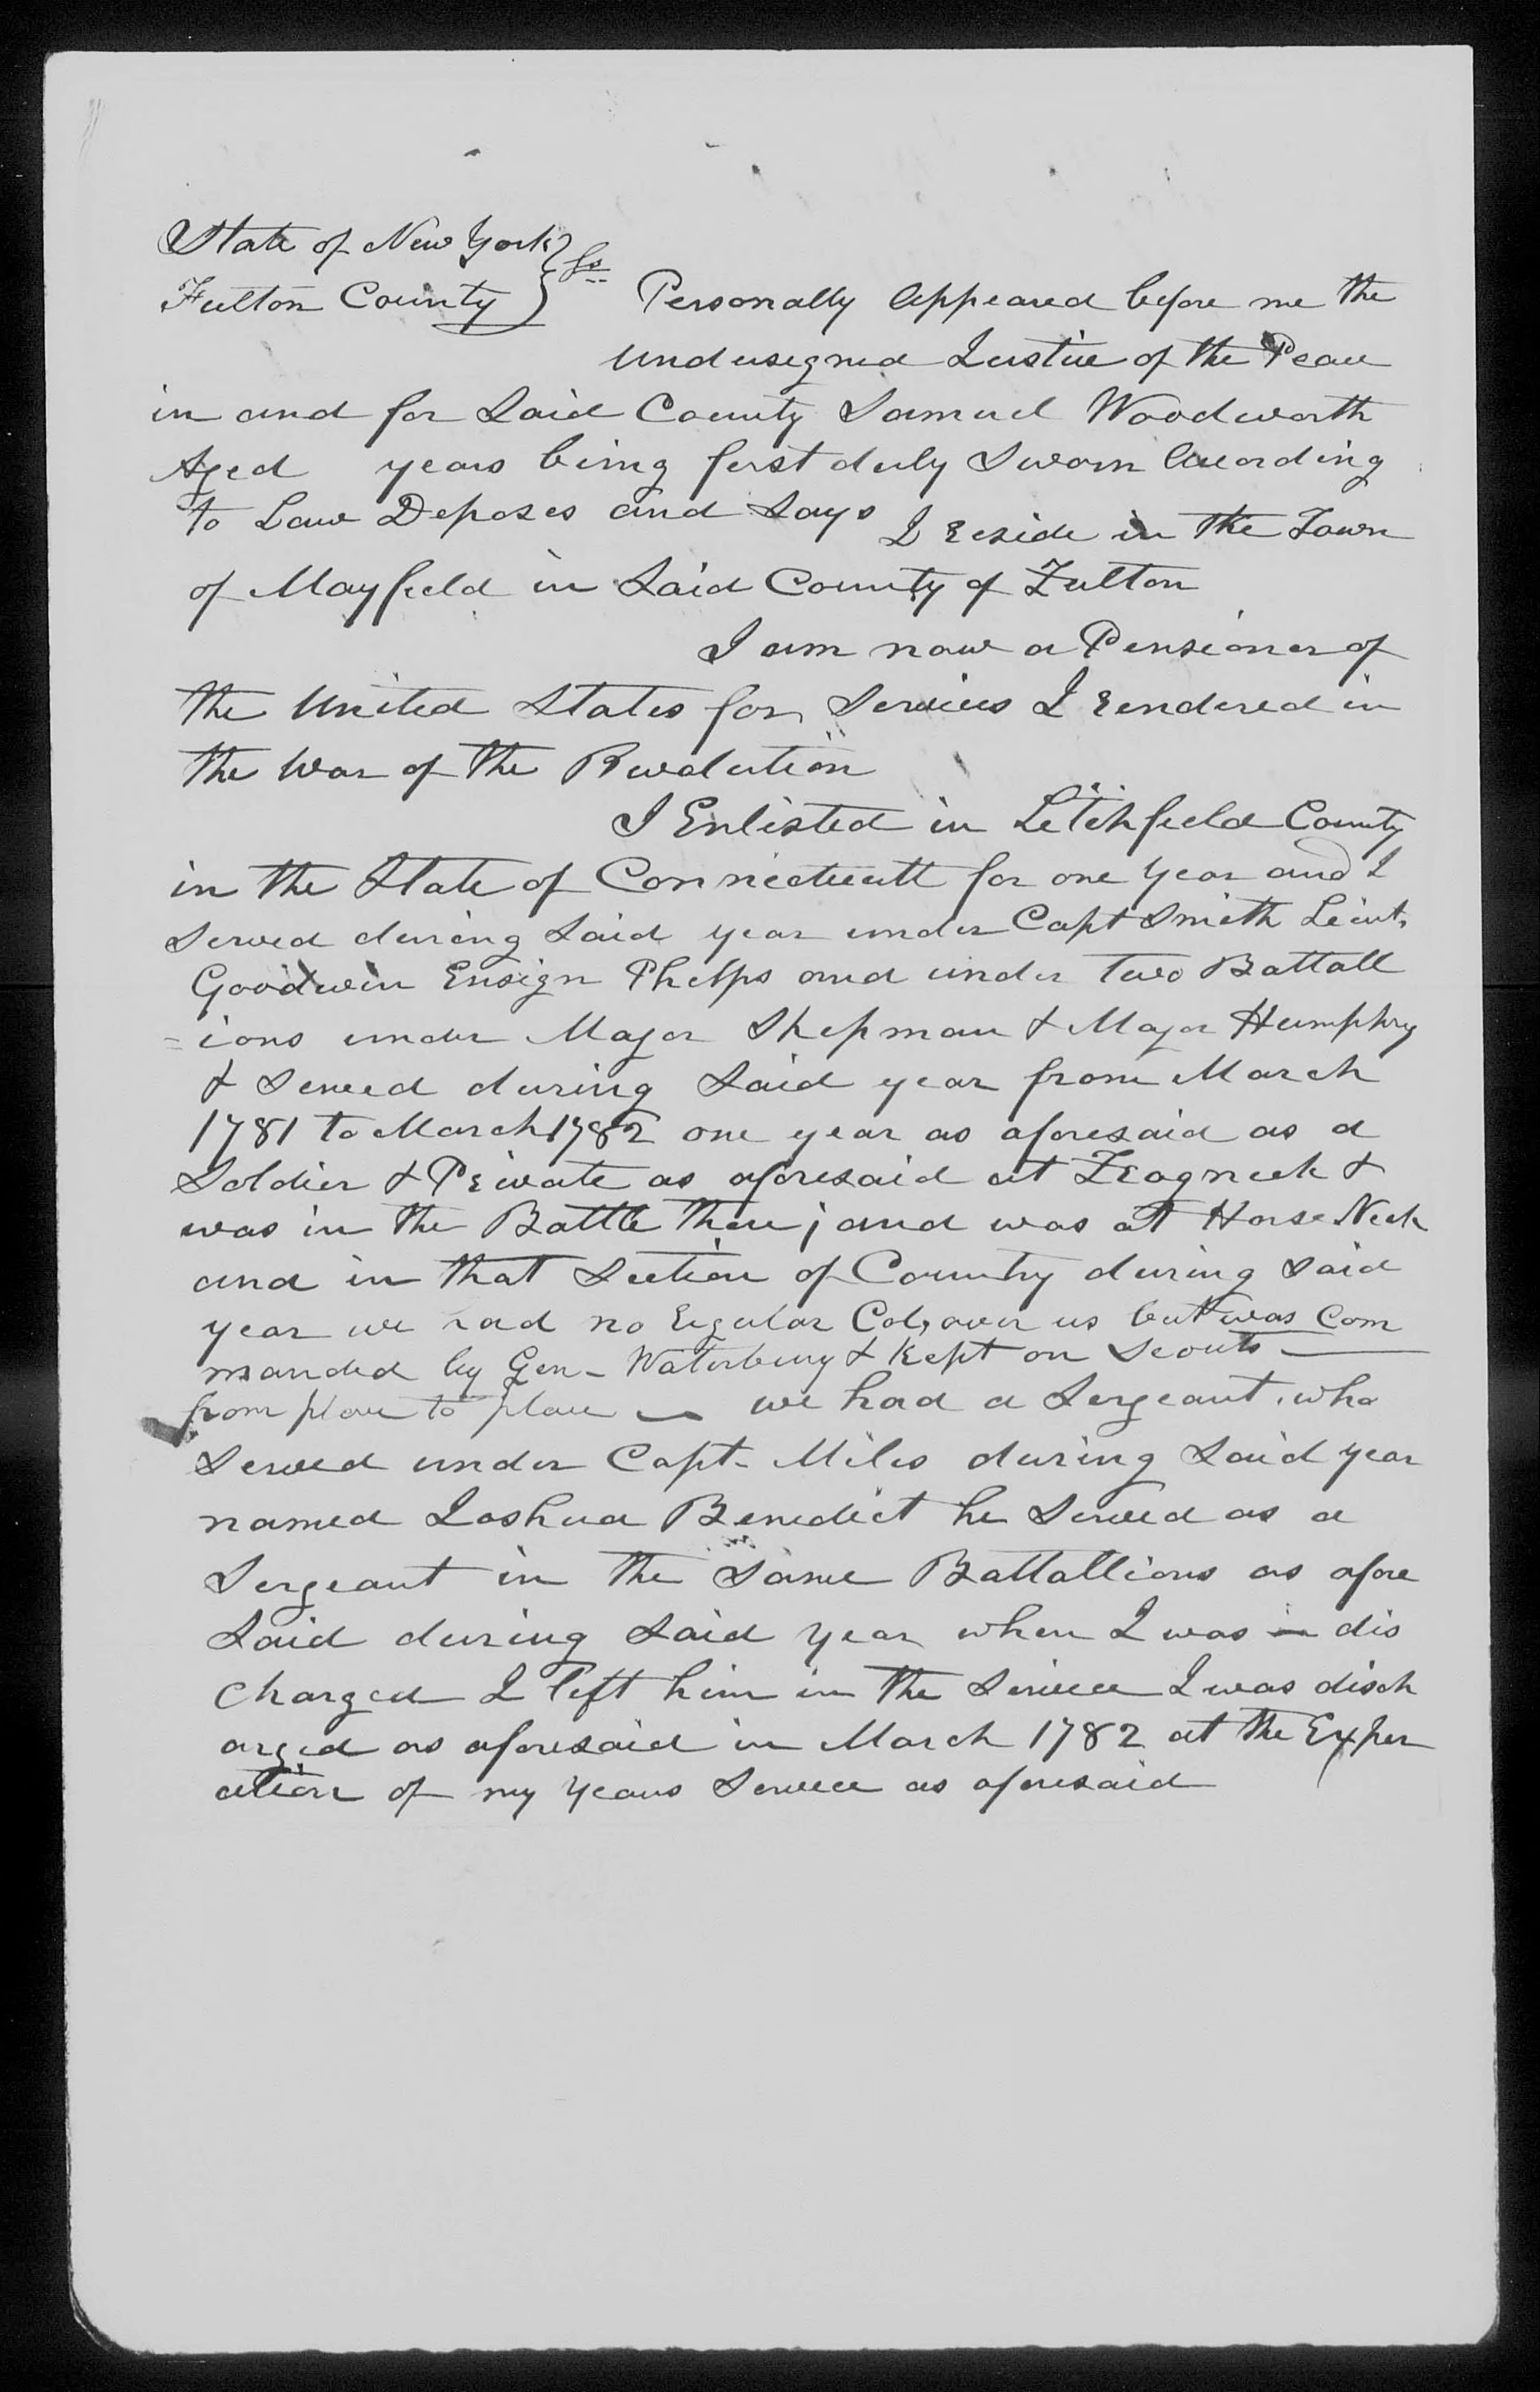State of New York
Fulton County } Ss
Personally appeared before me the undersigned Justice of the Peace in and for said County Samuel Woodworth Aged  years being first duly sworn according to Law Deposes and says
I reside in the Town of Mayfield in said County of Fulton
I am now a Pensioner of the United States for service I rendered in the War of the Revolution
I Enlisted in Litchfield County in the State of Connecticutt [Connecticut] for one year and I served during said year under Capt Smith Lieut. Goodwin Ensign Phelps and under two Battallions [battalions] under Major Shipman & Major Humphry [Humphreys] & served during said year from March 1781 to March 1782 one year as aforesaid as a Soldier & Private as aforesaid at Frogneck & was in the Battle there; and was at Horse Neck and in that Section of Country during said year we had no regular Col. over us but was commanded by Gen. Waterbury & kept on scouts from place to place ~ we had a Sergeant who served under Capt. Miles during said year named Joshua Benedict he served as a Sergeant in the same Battallions [battalions] as aforesaid during said year when I was - discharged - I left him in the service I was discharged as aforesaid in March 1782 at the Expiration of my years service as aforesaid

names: Joshua Benedict, Smith, Humphry, Shipman, Goodwin, Phelps, Samuel Woodworth, Miles, Waterbury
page: 66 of 106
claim: survivor's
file: S 23,116., Joshua Benedict, Conn.